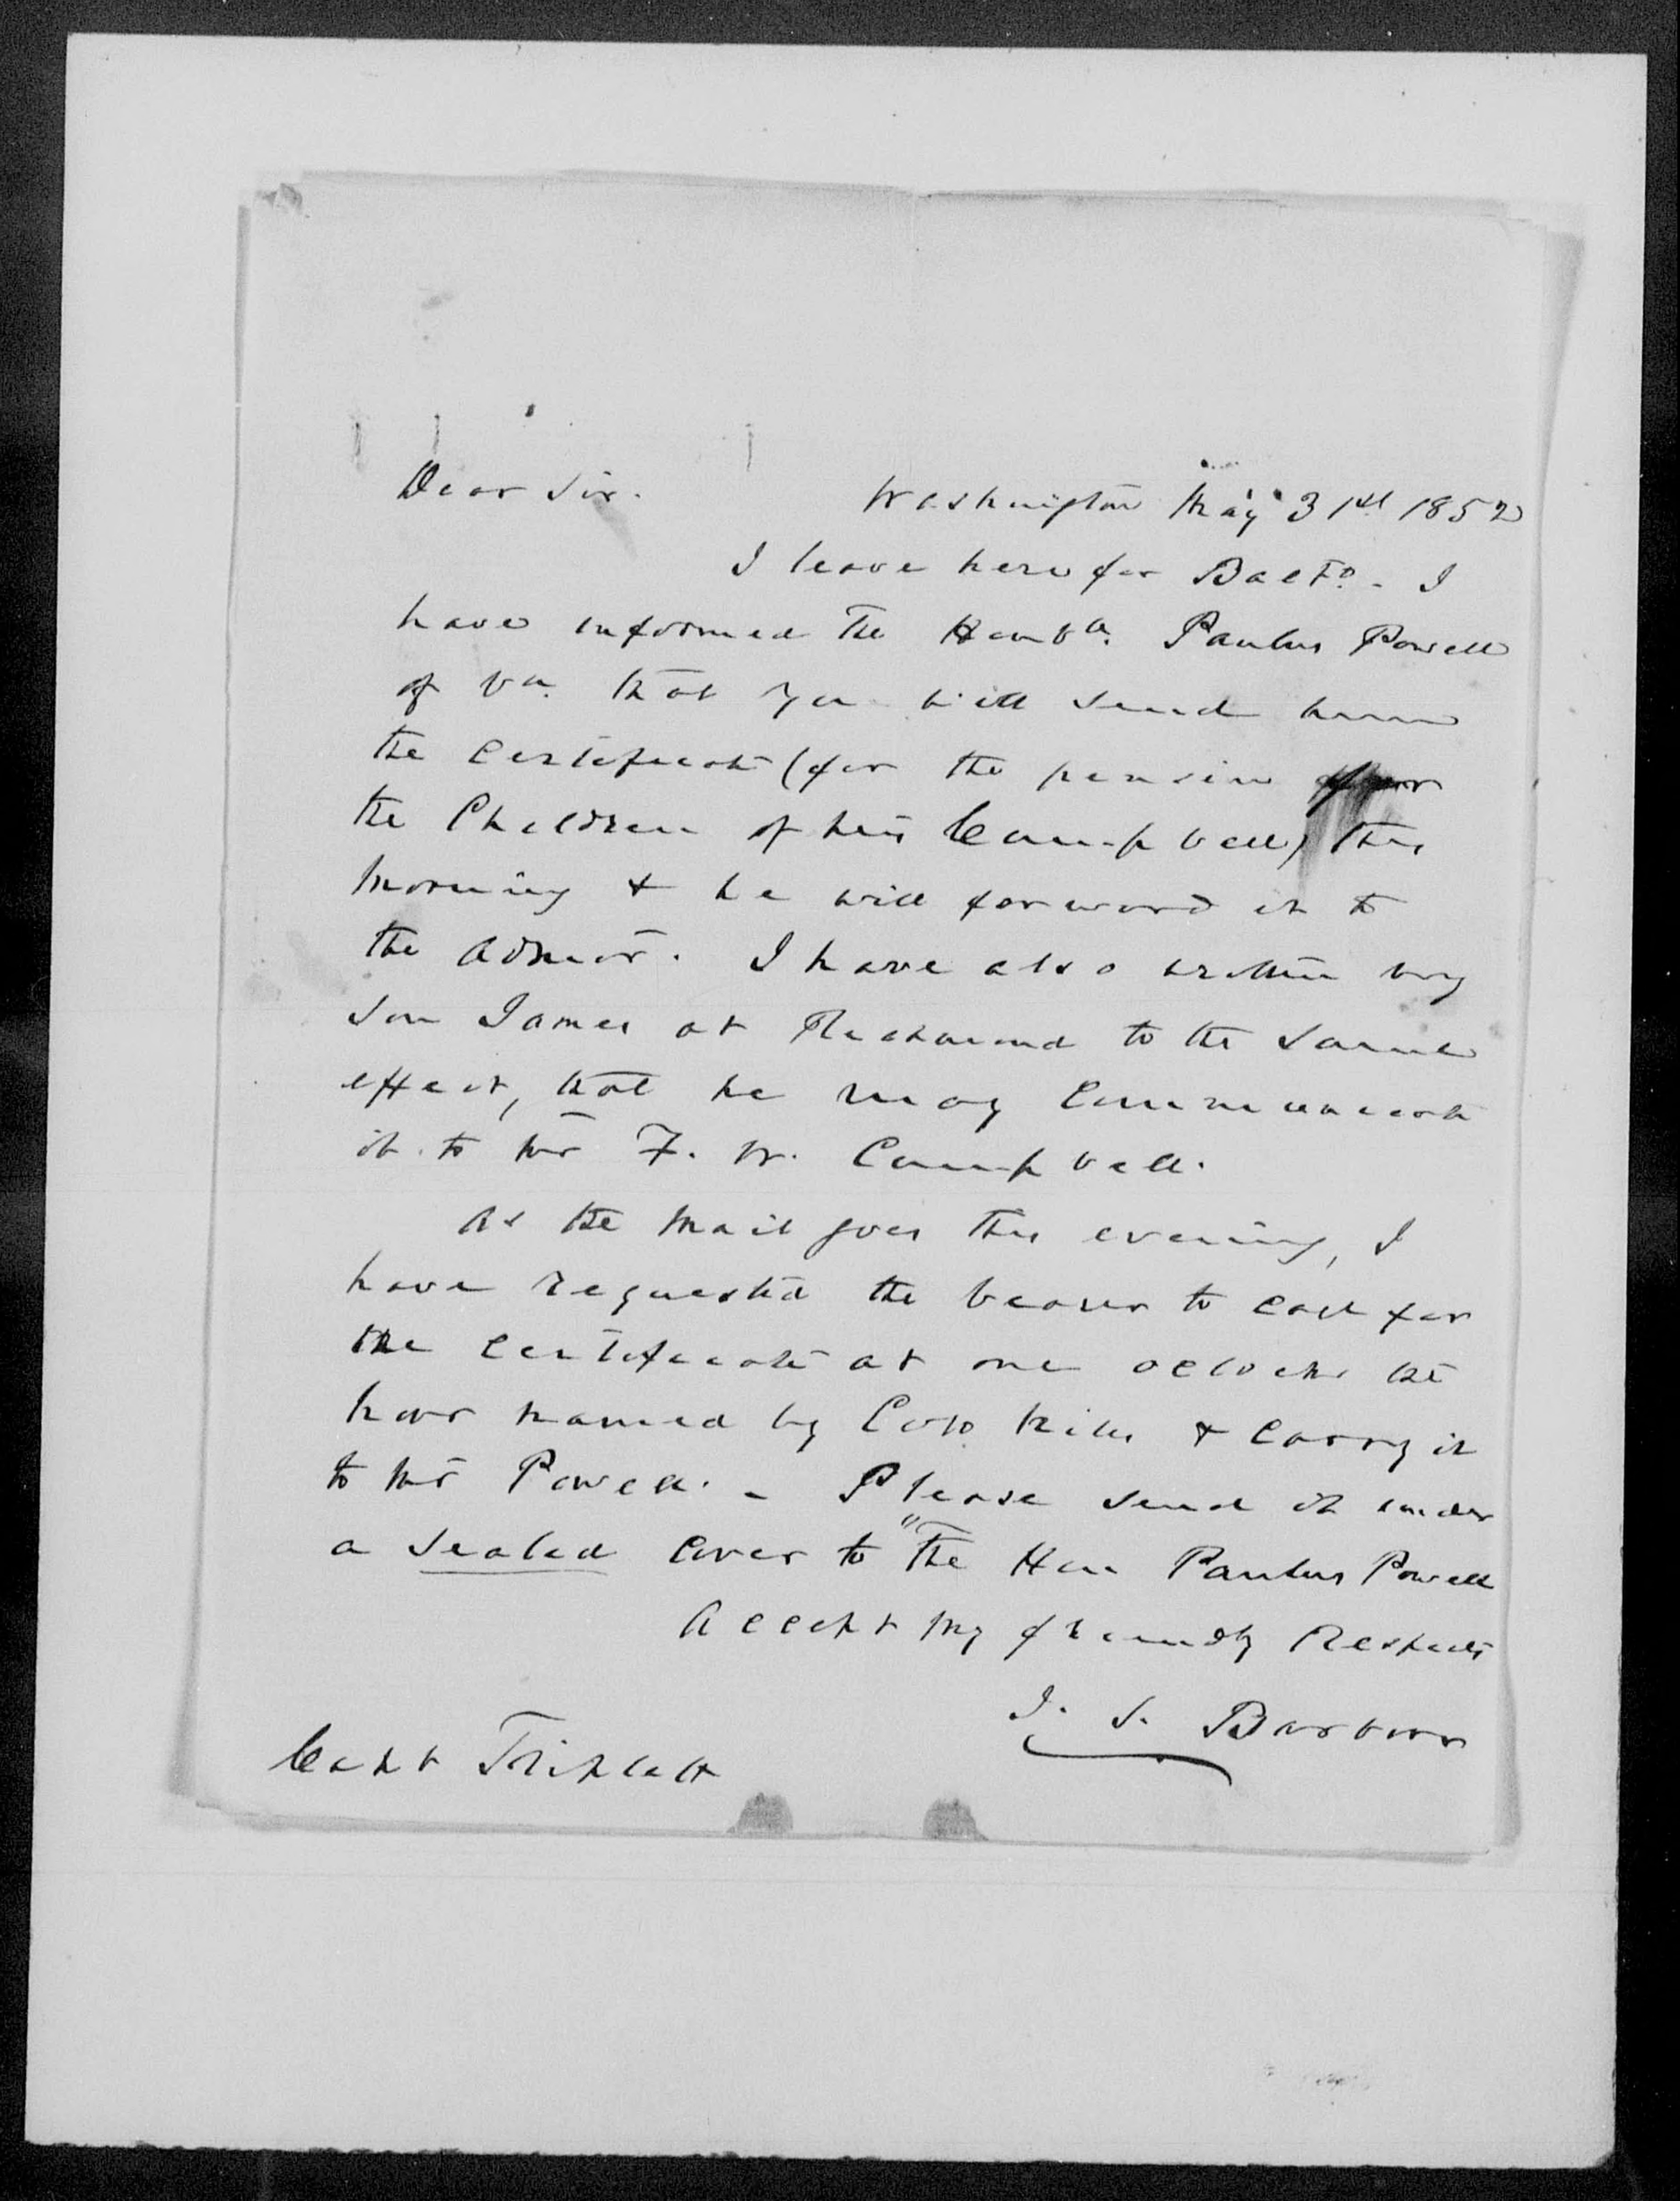Washington May 31st 1852

Dear Sir

I leave here for Balto.  I have informed the Honble. Paulus Powell of Va. that you will send him the certificate (for the pension for the children of Wm. Campbell) this morning & he will forward it to the adminr.  I have also written my son James at Richmond to the same effect that he may communicate it to Mr. F.W. Campbell.
As the mail goes this evening, I have requested the bearer to call for the certificate at one o'clock the hour named by Colo. Niles & carry it to Mr. Powell.  Please send it under a sealed cover to The Hon. Paulus Powell
Accept my friendly respects
J.S. Barbour


Capt. Triplett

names: Powell, Niles, Carry, James, J S Barbour, F W Campbell, Triplett, Paulus Powell, Paulus Powell, Campbell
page: 208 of 267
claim: widow's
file: W. 4,149, William Campbell, Va.